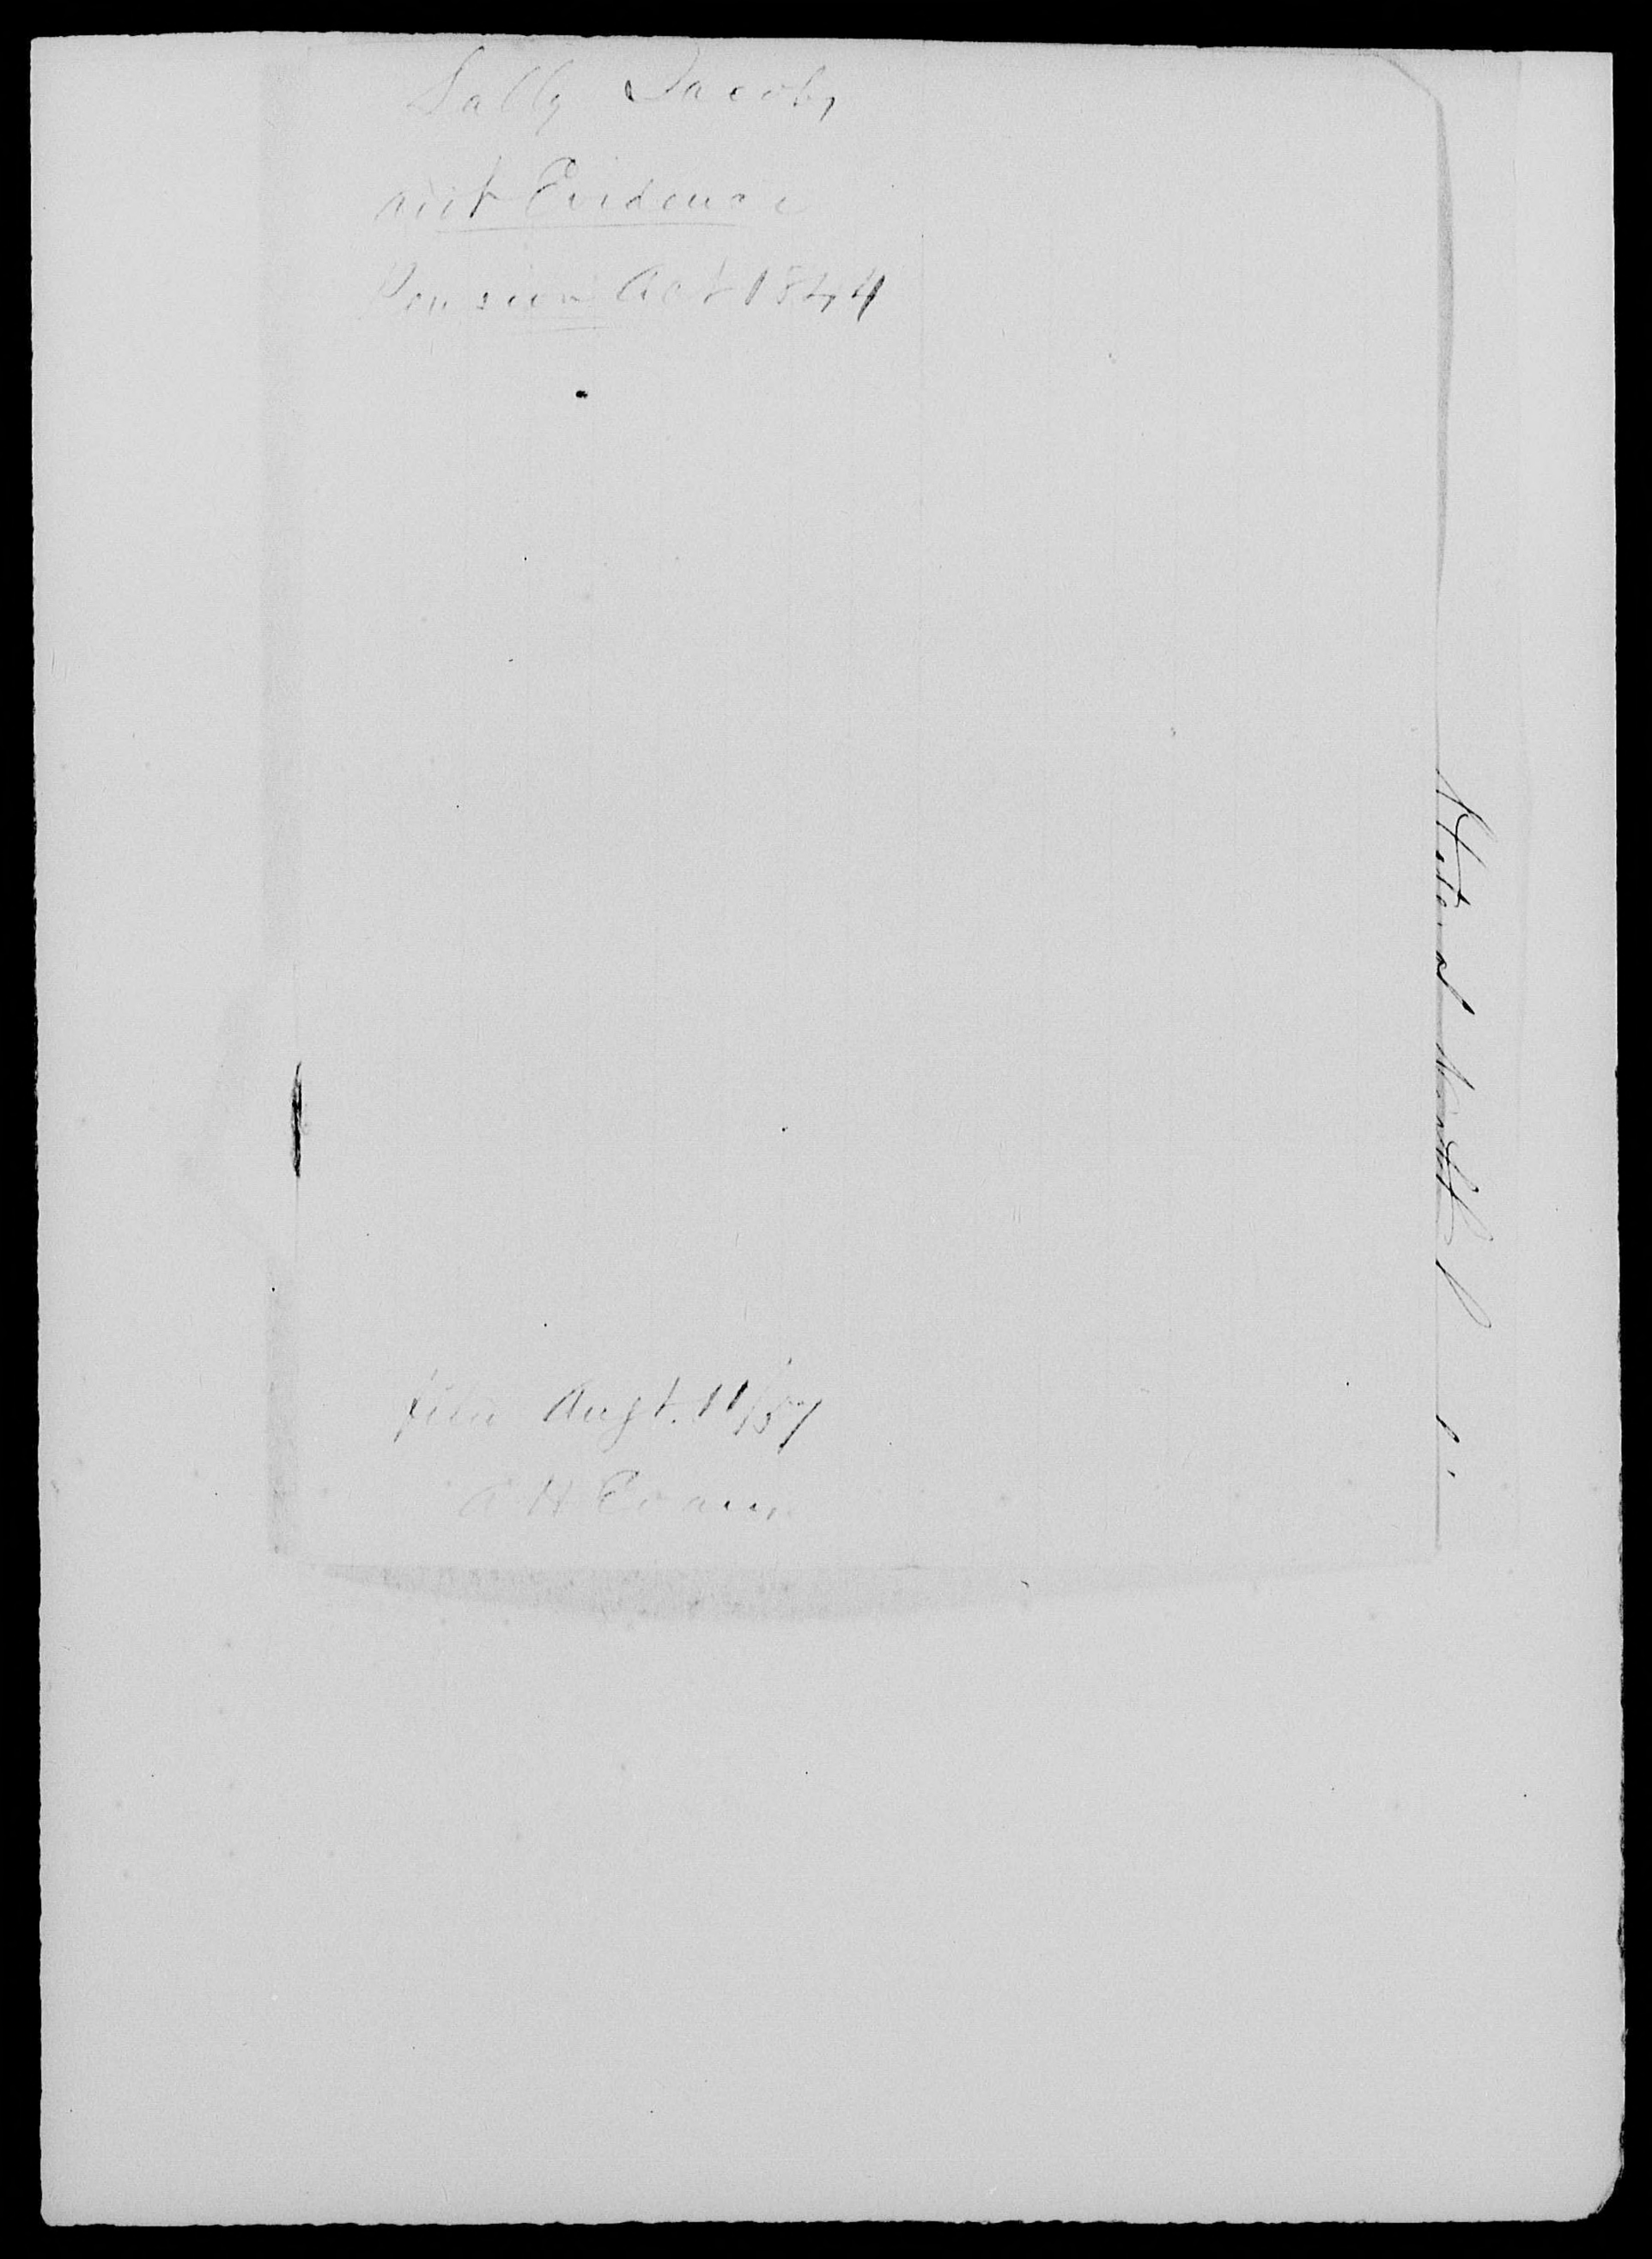Sally Jacobs
adt Evidence
Pension  act 1844





filed Augt 1 1857
        A.H.Evans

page: 30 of 40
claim: widow's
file: W. 5304, for Zachariah Jacobs, North Carolina